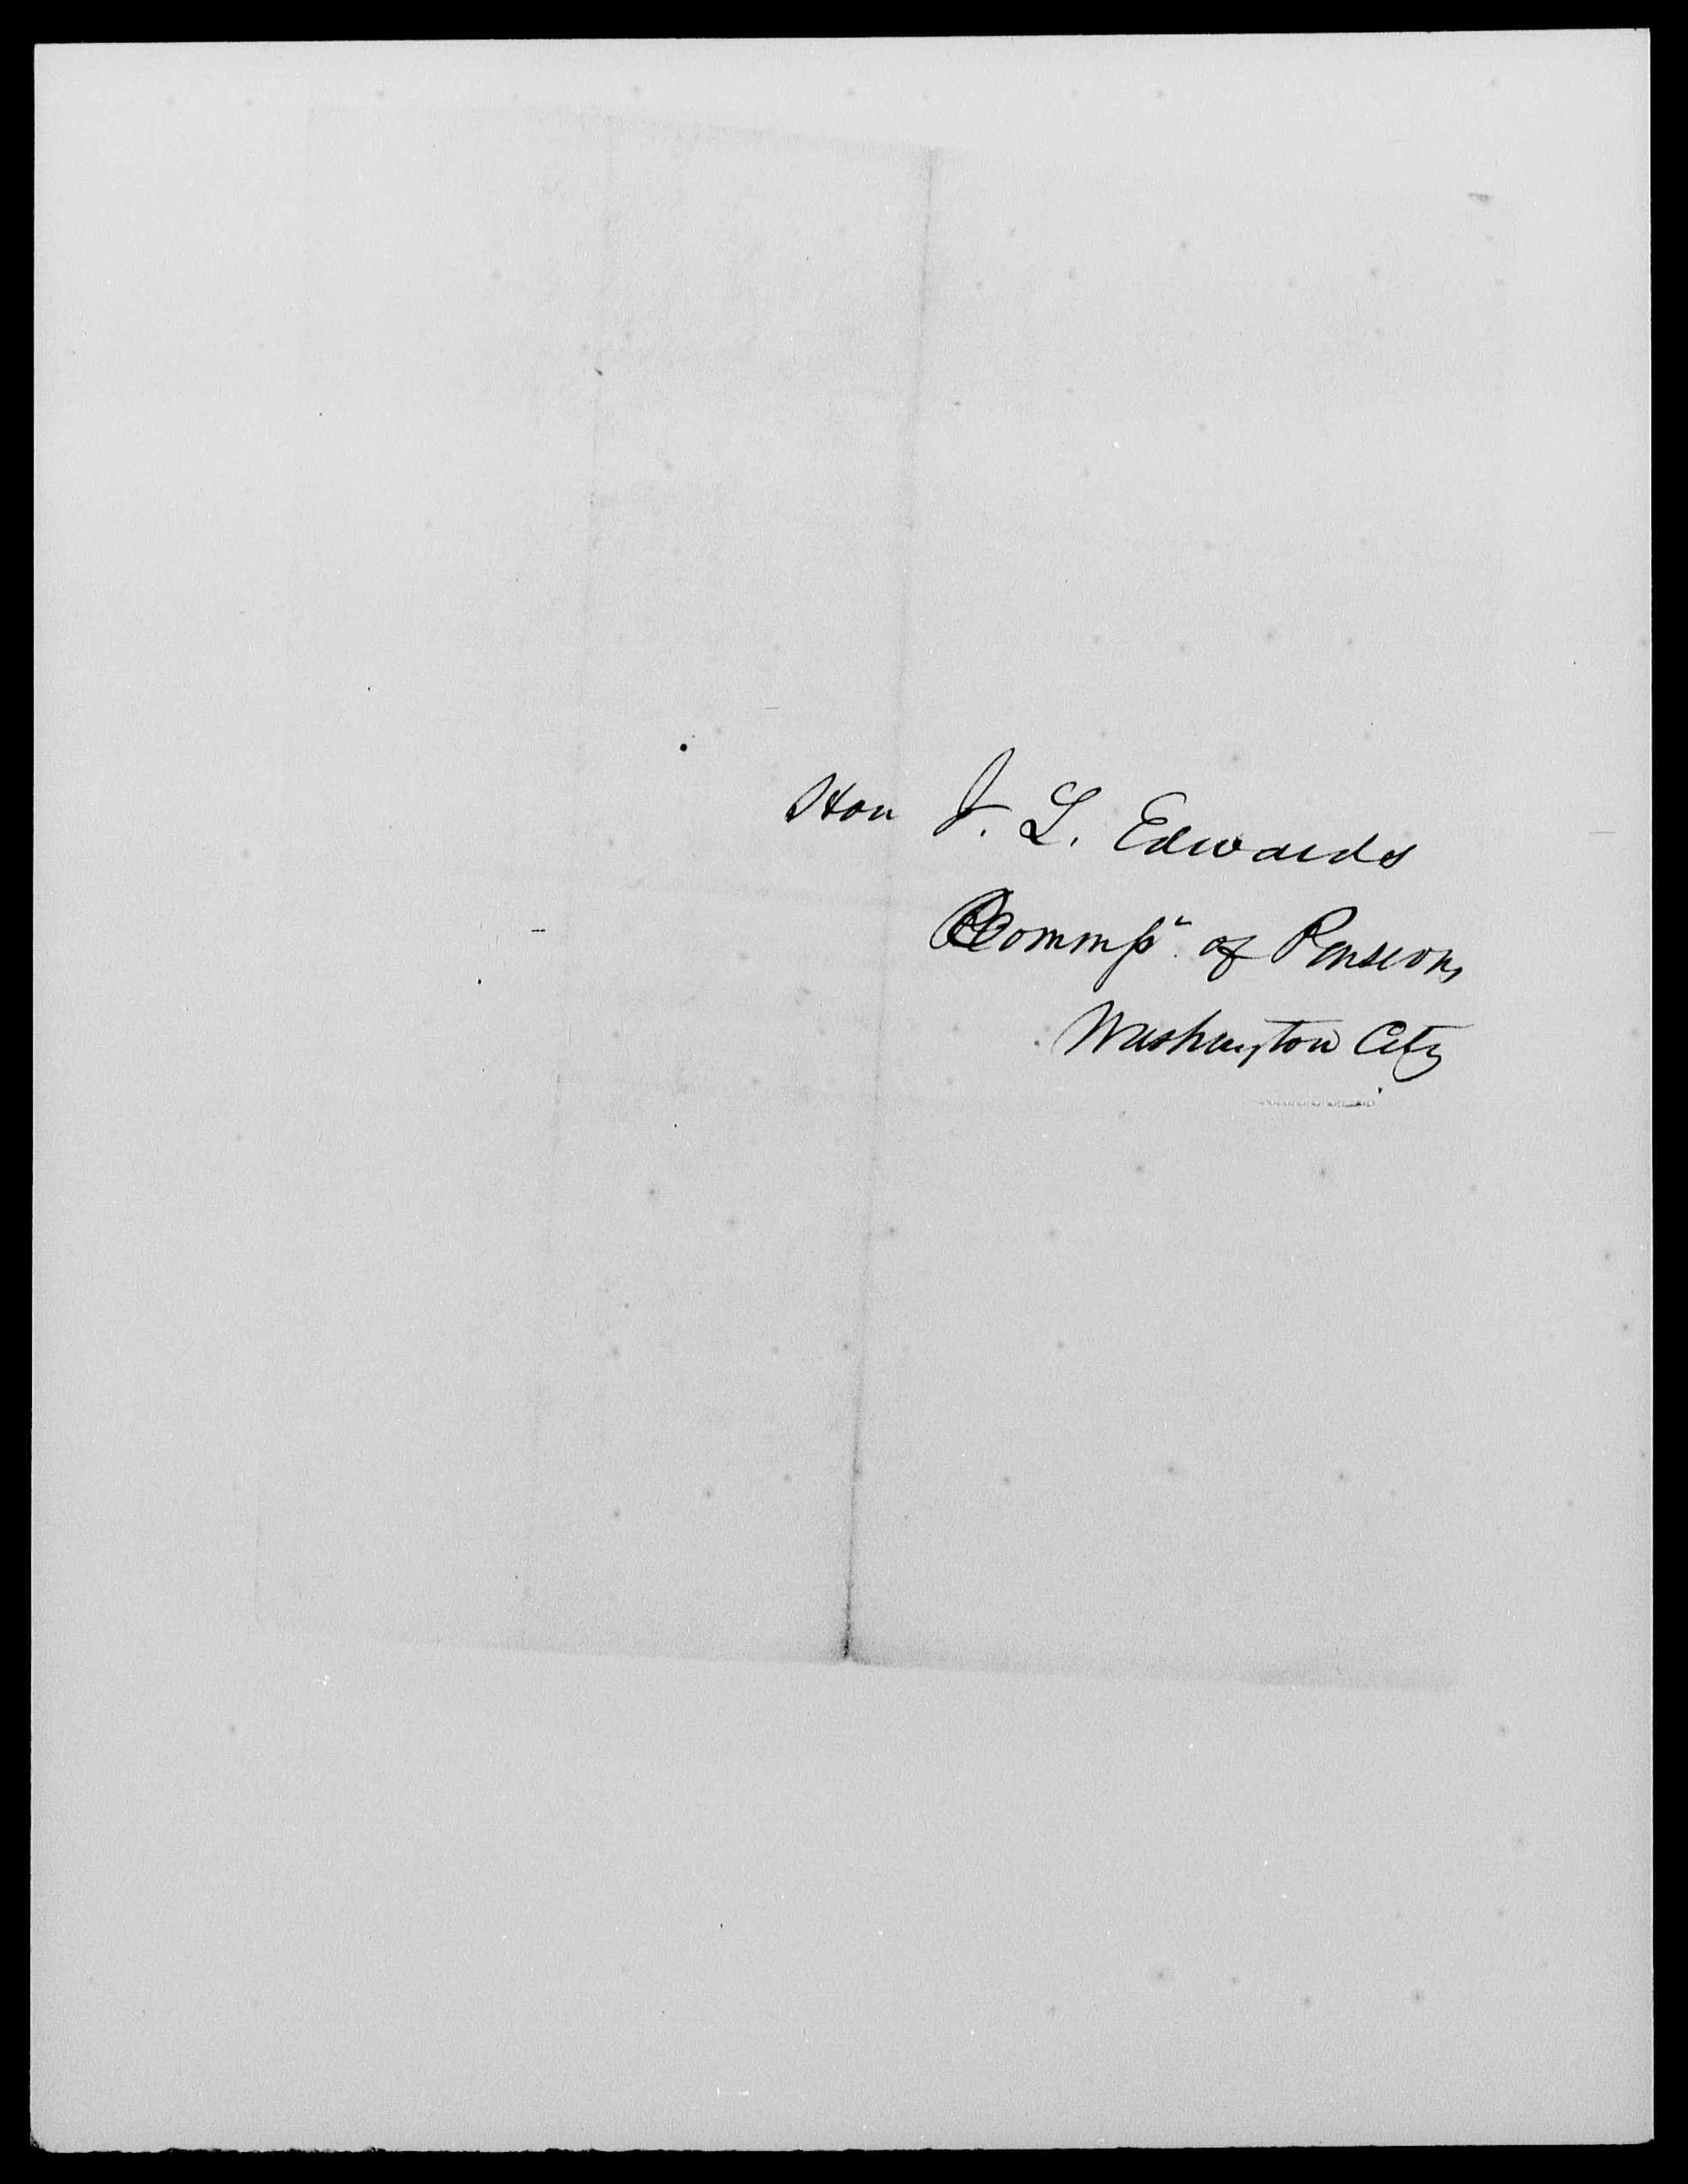Hon J. L. Edwards
Commss of Pensions
Washington City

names: J L Edwards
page: 42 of 83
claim: widow's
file: W. 5946, John Brandon, Penn